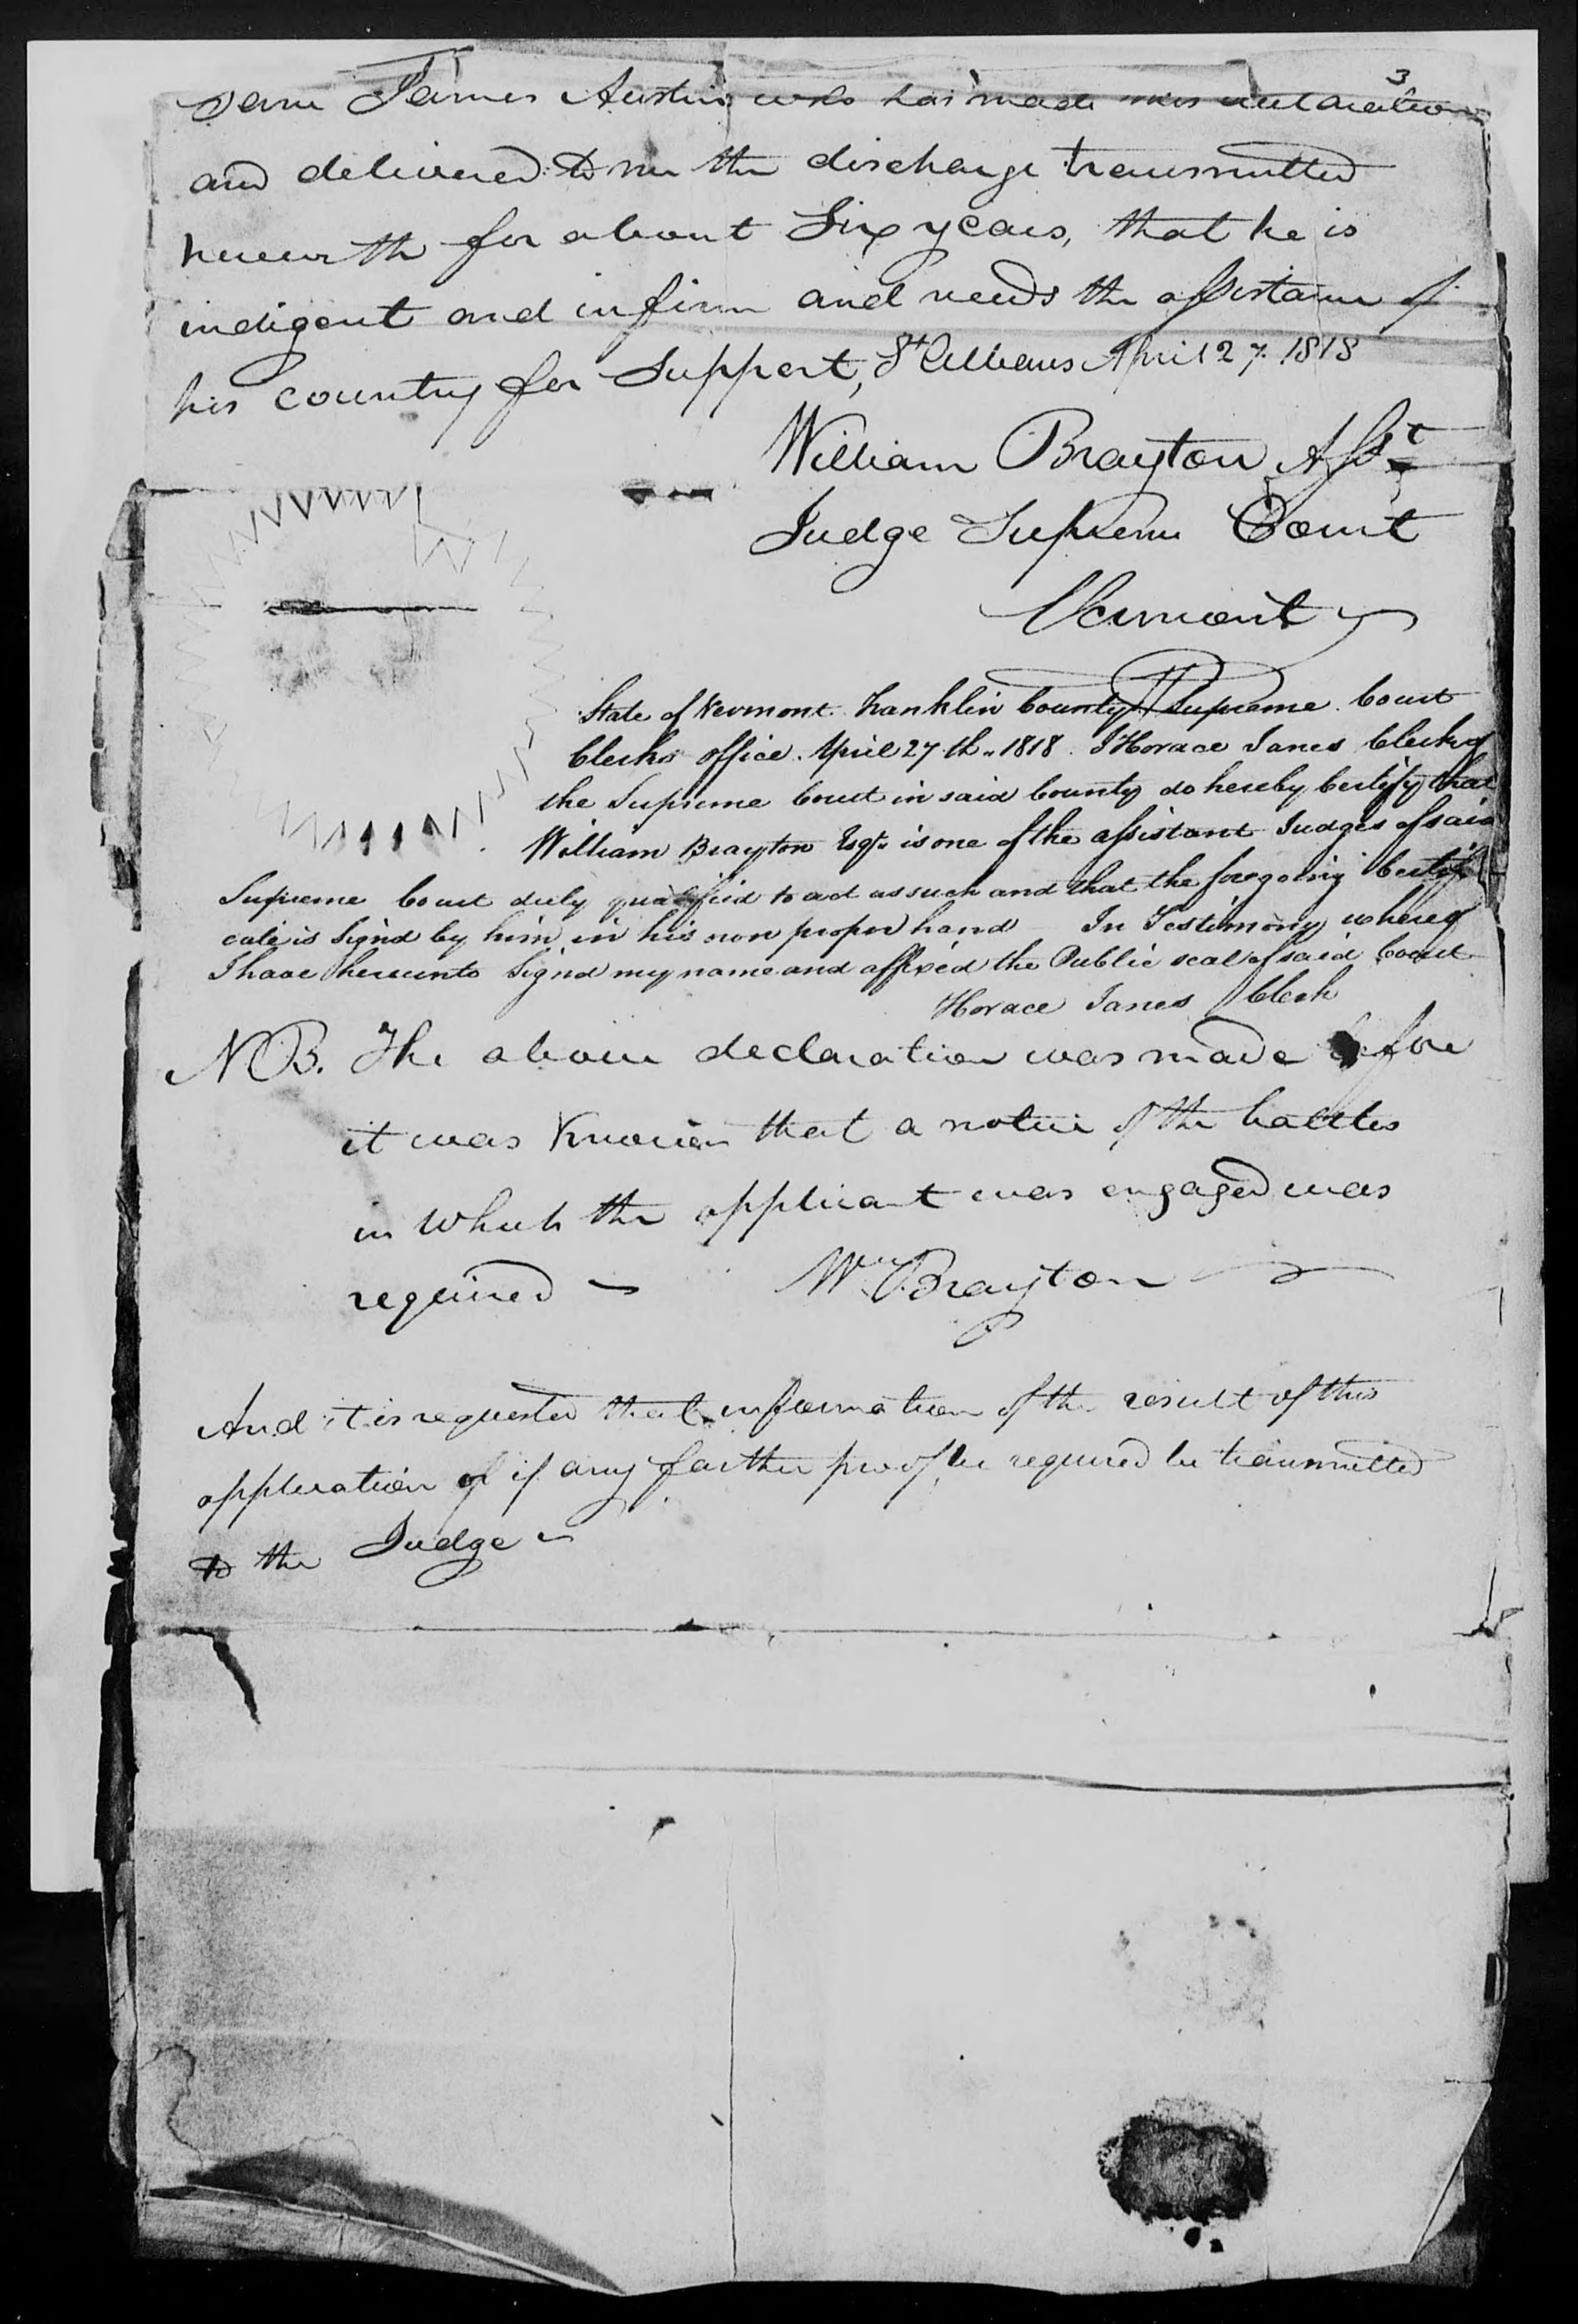said James Austin who has made his declaration and delivered to me the discharge transmitted herewith for about six years that he is indigent and infirm and needs the assistance of his country for support, St Albans April27, 1818
William Brayton 
Judge Supreme Court
Vermont

State of Vermont, Franklin County, Supreme Court Clerks office. April 27th 1818. I Horace James Clerk of the Supreme Court in said county do hereby certify that William Brayton Esq is one of the assistant judges of said supreme Court duly qualified to and as such and that the   is signed by him in his own proper hand. In testimony, whereof I have hereunto signed my name and affixed the Public seal of said court.
Horace James Clerk
N. B. The above declaration was made before it was known that a notice of the battles which the applicant was engaged was required - 
Wm. Brayton

And it is requested that information of the result of this application or if any further proof is required be transmitted to the Judge --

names: Horace Janes, James Austin, William Brayton, Wm Brayton, William Brayton, Horace Cleckey, James Cleckey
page: 50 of 100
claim: survivor's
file: S 19186, James Austin, Conn. New York R.I.